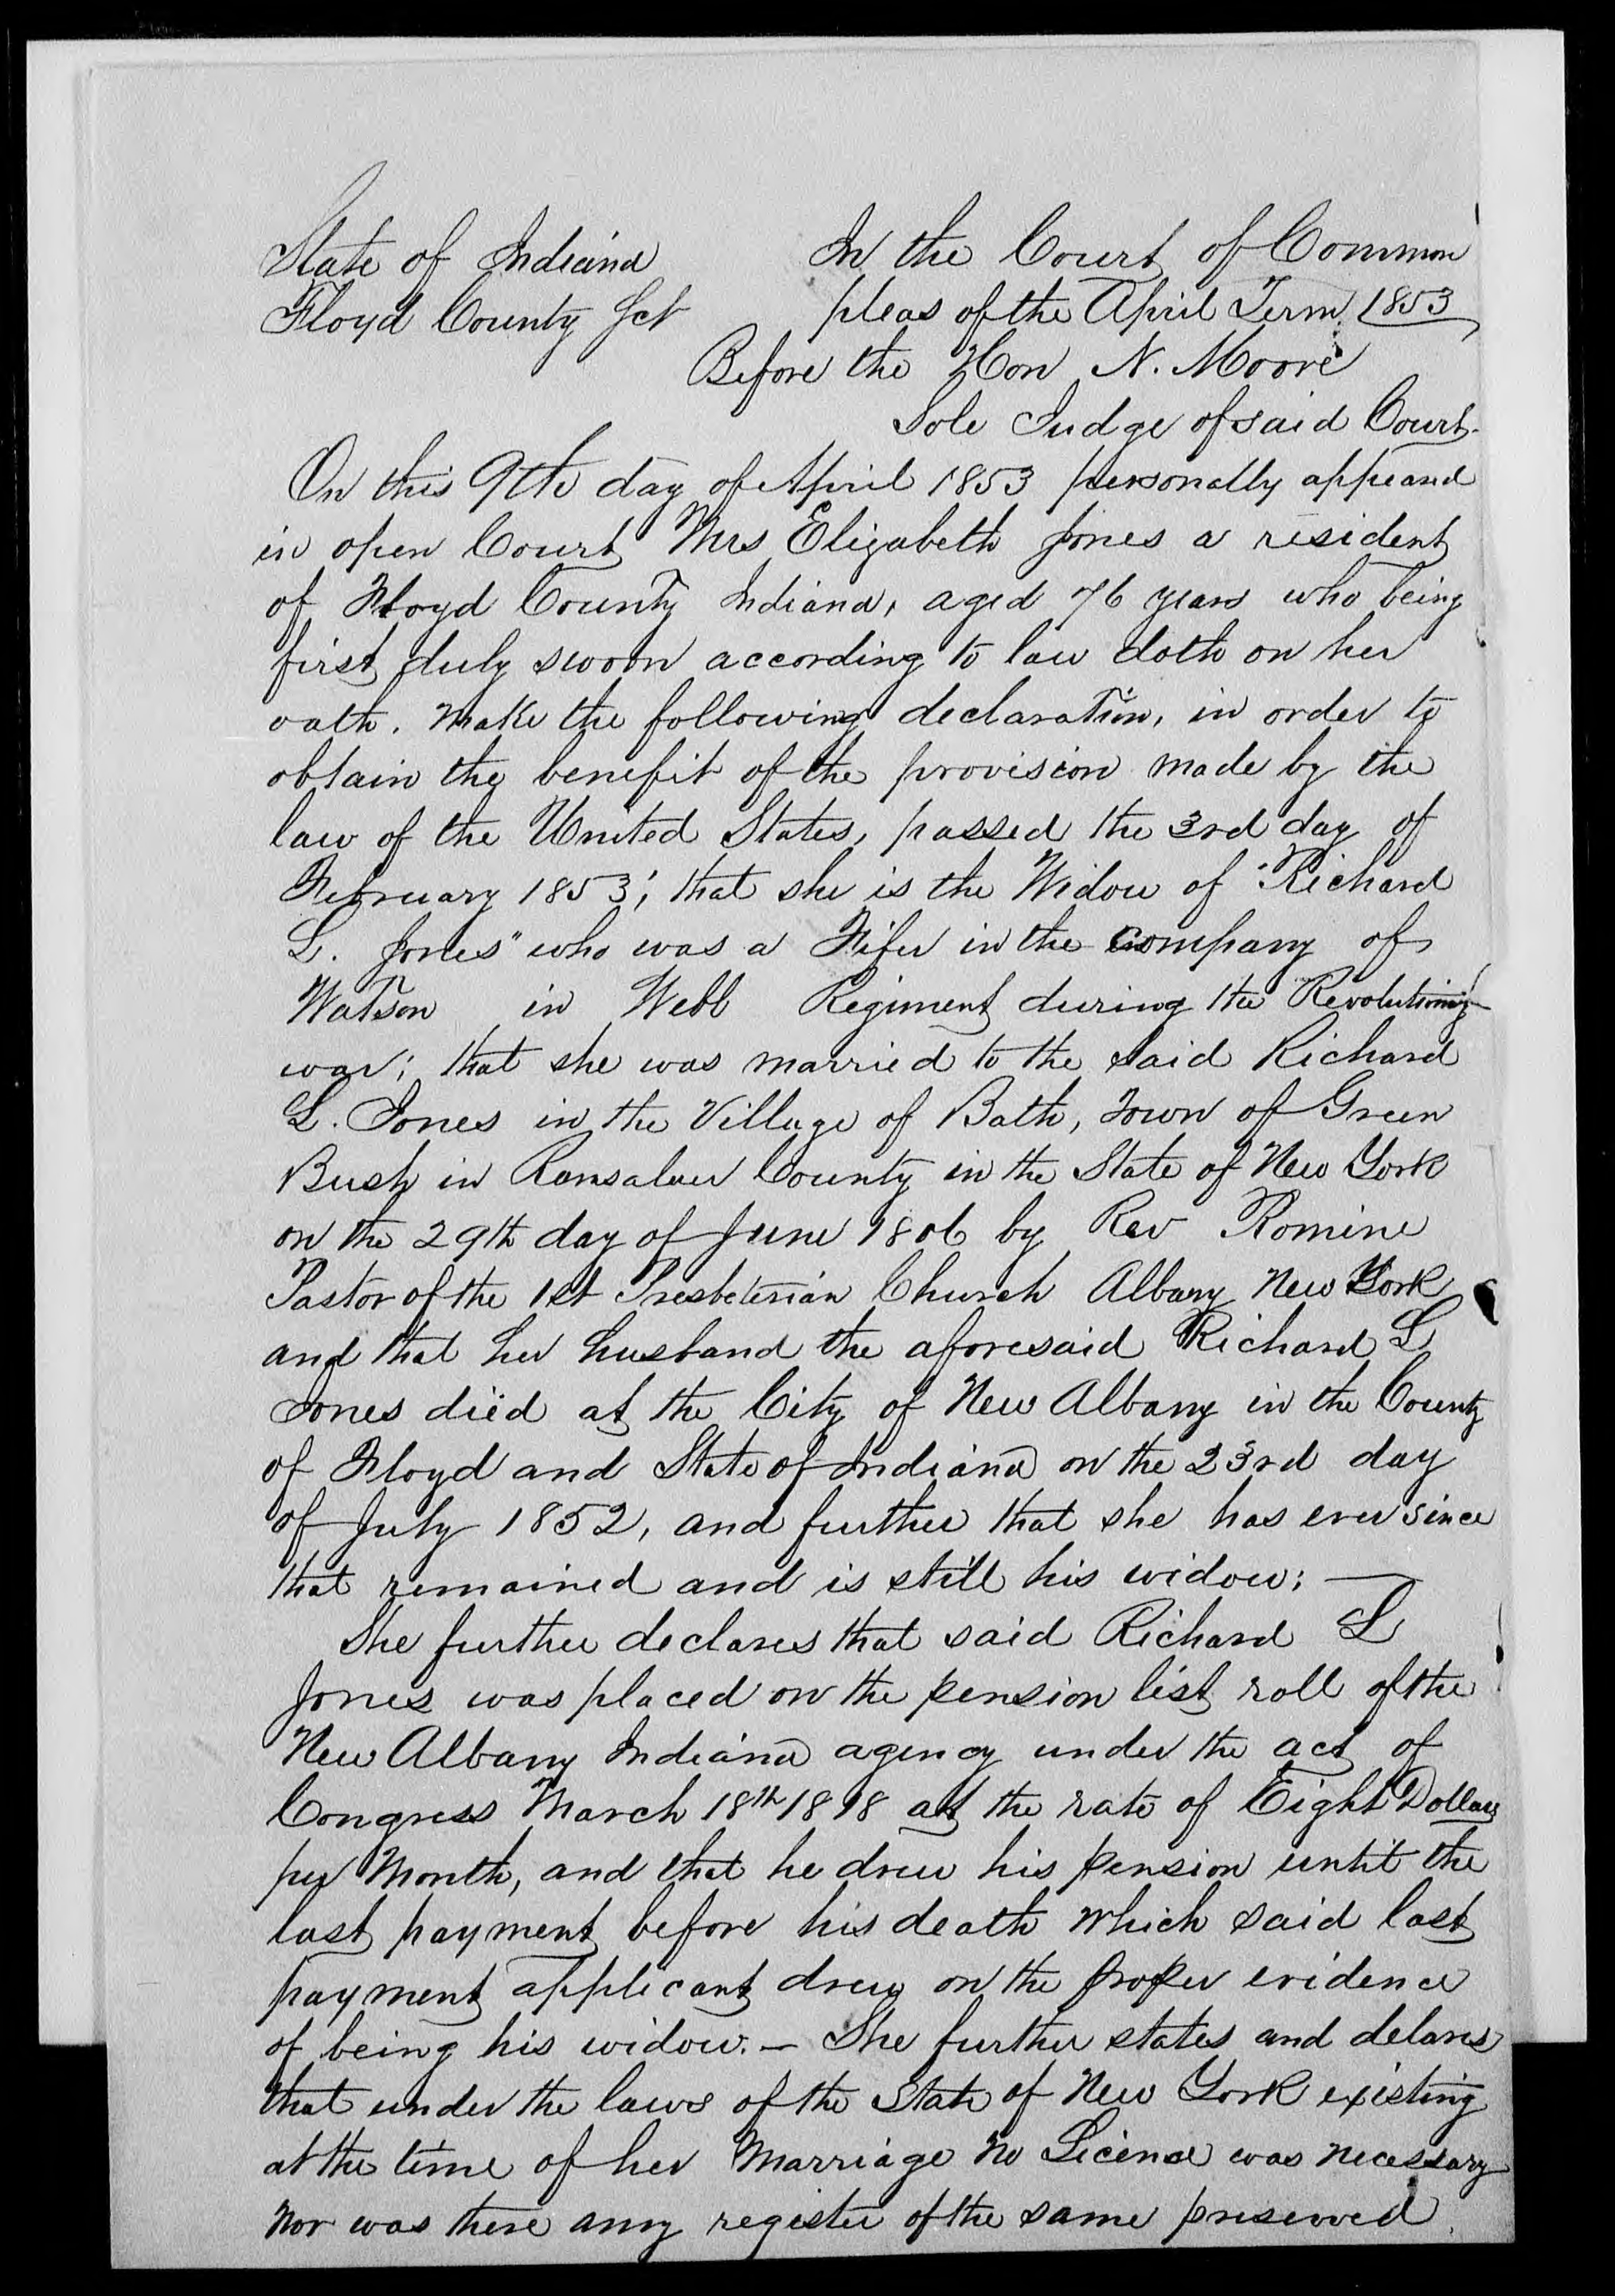State of Indiana
Floyd County Sct
In the Court of Common
pleas of the April Term 1853
Before the Hon N. Moore

Sole Judge of said Court.
On this 9th day of April 1853 personally appeared in open Court Mrs Elizabeth Jones a resident of Floyd County Indiana, aged 76 years who being first duly sworn according to law doth on her oath, make the following declaration, in order to obtain the benefit of the provision made by the law of the United States, passed the 3rd day of February 1853; that she is the Widow of Richard L. Jones, who was a Fifer in the Company of Watson
in Webb Regiment during the Revolutionary
war; that she was married to the said Richard
L. Jones in the Village of Bath, Town of Green
Bush in Ronsalaer [Rensselaer] County in the State of New York on the 29th day of June 1806 by
Rev Romine Pastor of the 1st Presbeterian [Presbyterian] Church Albany New York
and that her husband the aforesaid Richard &
Jones died at the City of New Albany in the County of Floyd and State of Indiana on the 23rd day of July 1852, and further that she has ever since that remained and is still his widow.
She further declares that said Richard L Jones was placed on the pension list roll of the
New Albany Indiana agency under the act
Congress March 18th 1898 at the rate of Eight Dollar per month, and that he drew his pension until the last payment before his death which said last payment applicant drew on the proper evidence of being his widow. She further states and declares that under the laws of the State of New York existing
at the time of her Marriage no Licence [license] was necessary nor was there any register of the same preserved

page: 9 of 62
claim: widow's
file: W. 765, for Richard L Jones, Connecticut